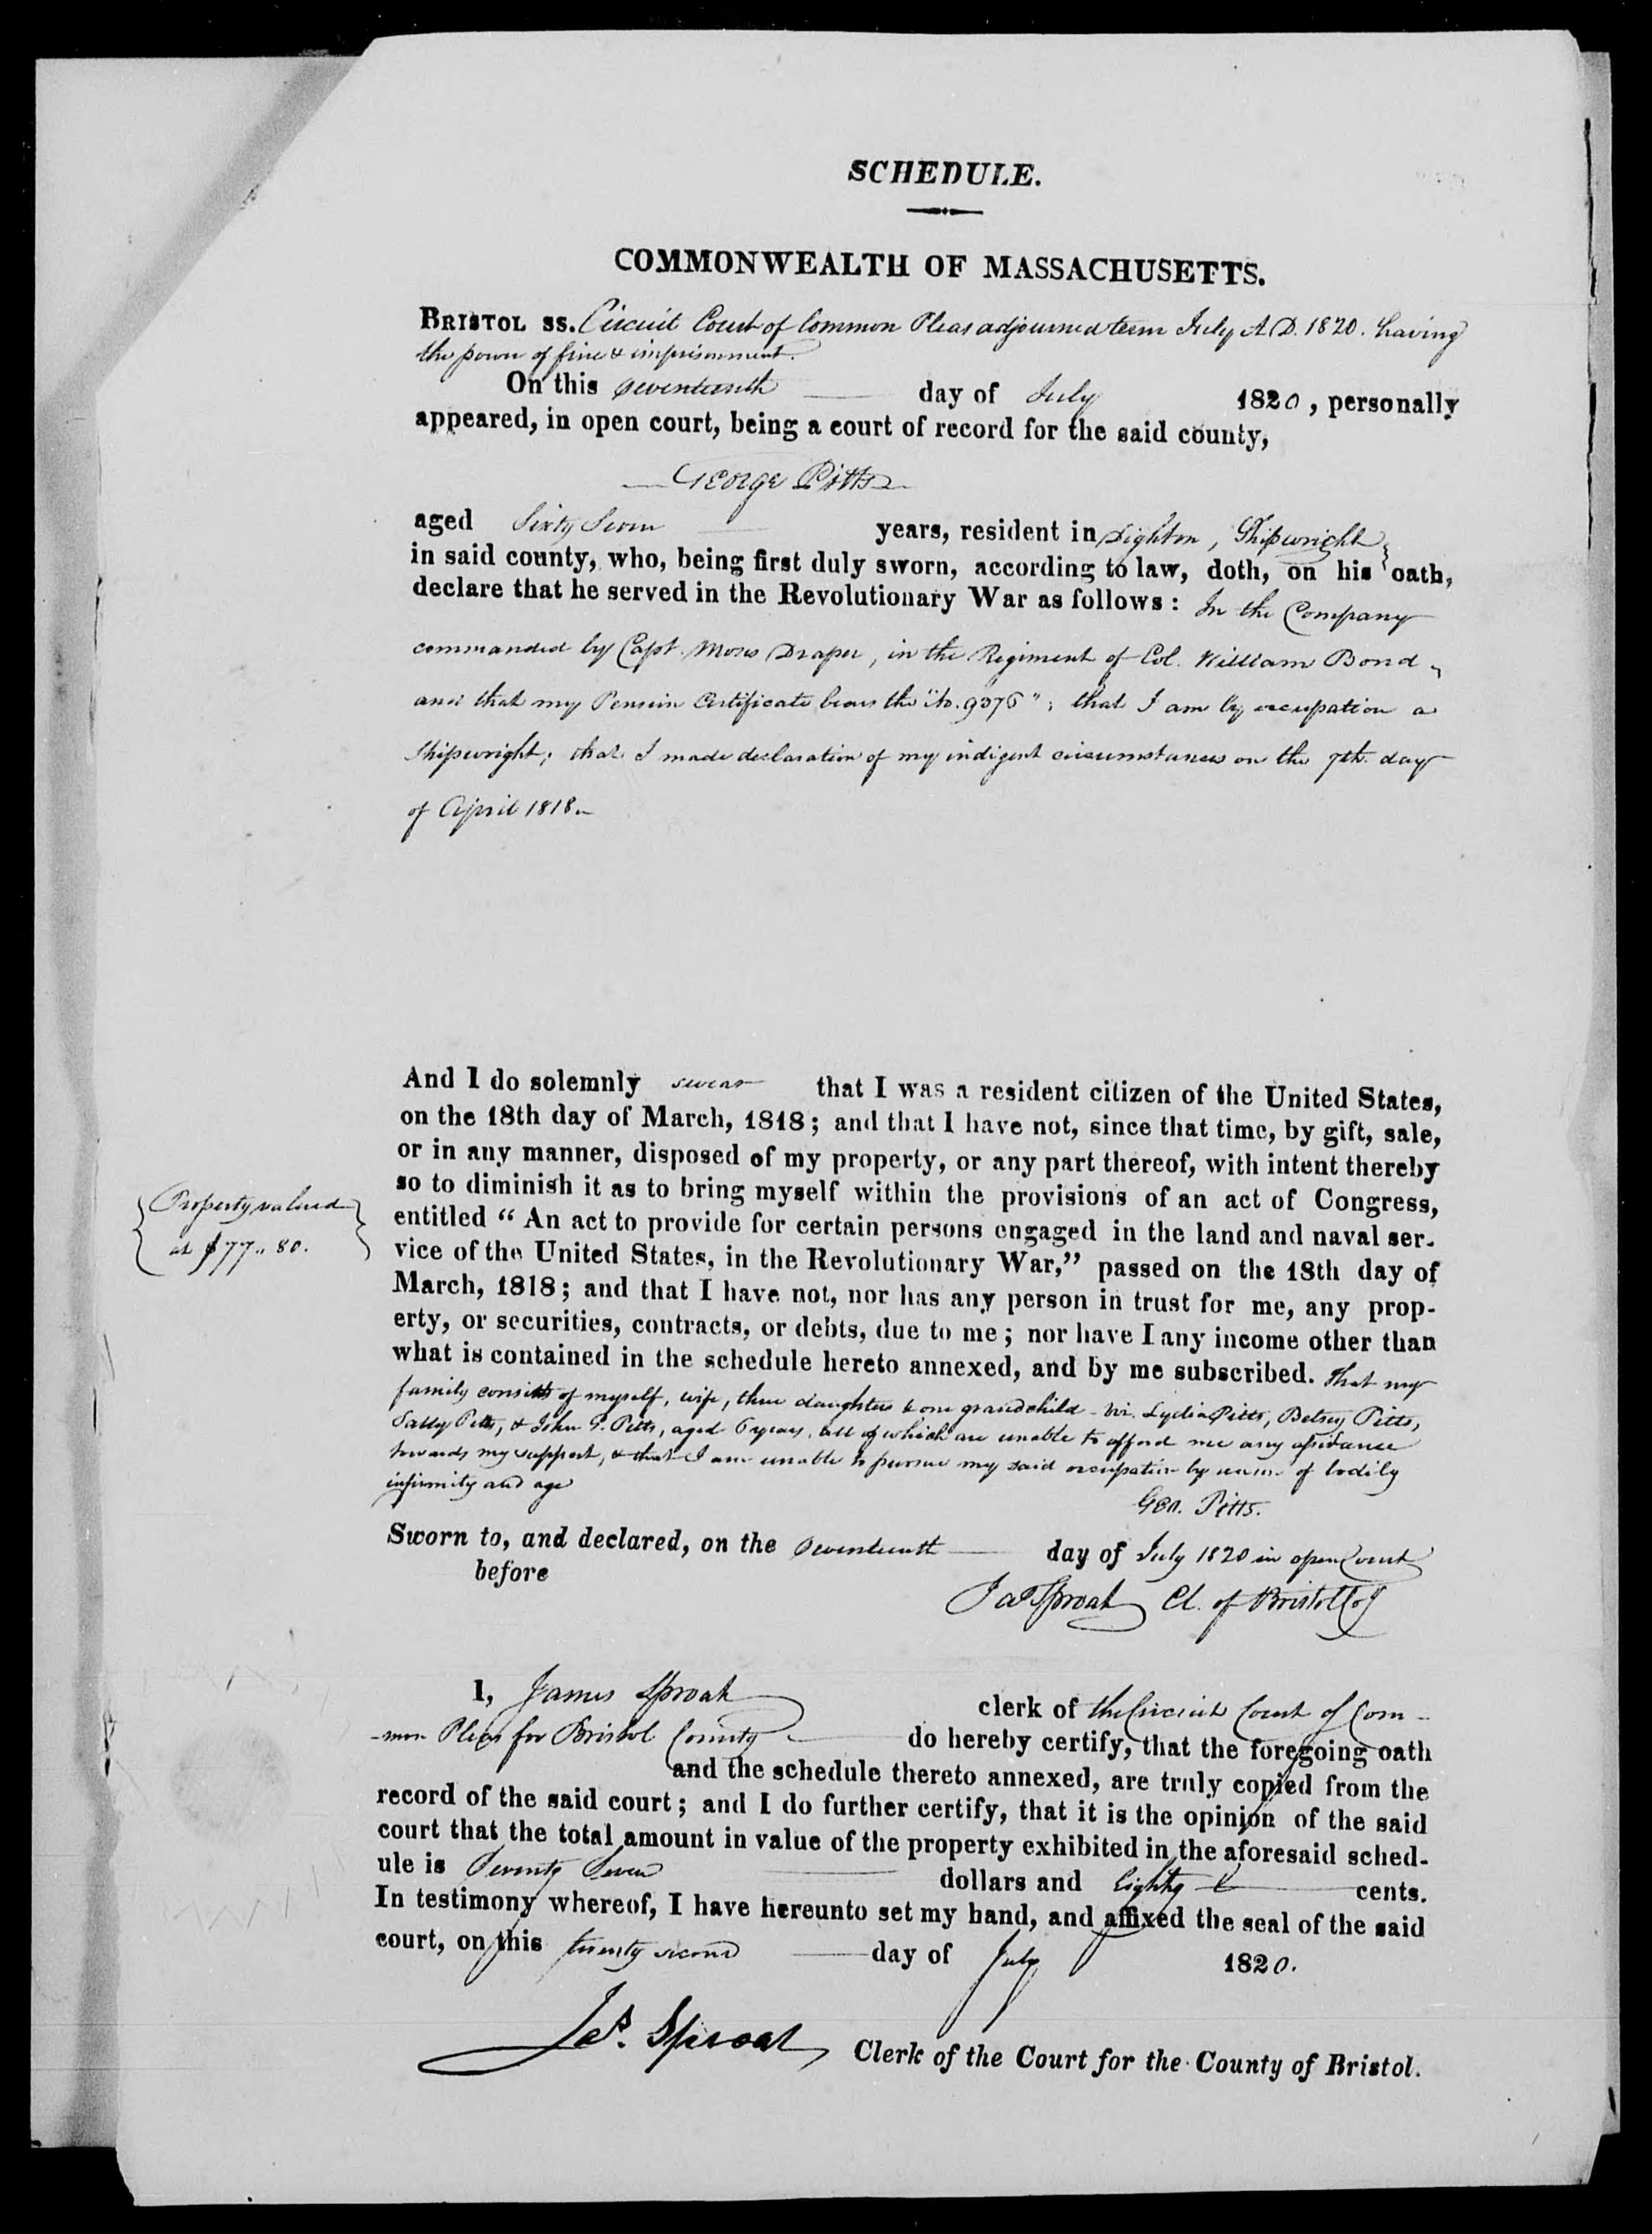SCHEDULE.
COMMONWEALTH OF MASSACHUSETTS.
BRISTOL SS. Circuit Court of Common Pleas adjourned term July A.D. 1820. having
the power of fine & imprisonment.
On this seventeenth day of July 1820, personally
appeared, in open court, being a court of record for the said county,
George Pitts
aged Sixty Seven years, resident in Dighton, Shipwright
in said county, who, being first duly sworn, according to law, doth, on his oath,
declare that he served in the Revolutionary War as follows: In the company
commanded by Capt Moses Draper, in the Regiment of Col. William Bond
and that my pension certificate bears the "No. 9376"; that I am by occupation a
Shipwright: that I made declaration of my indigent circumstances on the 7th day
of April 1818.
And I do solemnly swear that I was a resident citizen of the United States,
on the 18th day of March, 1818; and that I have not, since that time, by gift, sale,
or in any manner, disposed of my property, or any part thereof, with intent thereby
so to diminish it as to bring myself within the provisions of an act of Congress, [side note in margins: Property valued at $77.80.]
entitled ""An act to provide for certain persons engaged in the land and naval service of the United States, in the Revolutionary War,” passed on the 18th day of
March, 1818; and that I have not, nor has any person in trust for me, any property, or securities, contracts, or debts, due to me; nor have I any income other than
what is contained in the schedule hereto annexed, and by me subscribed. That my
family consists of myself, wife, three daughters & one grandchild, viz Lydia Pitts, Betsey Pitts
Sally Pitts, & John P. Pitts, aged 6 years, all of which are unable to afford me any assistance towards my support, & that I am unable to pursue my said occupation by means of bodily infirmity and age
Geo. Pitts [handwritten signature]
Sworn to, and declared, on the Seventeenth day of July 1820 in open court
before day of July 1820 in open Court
[handwritten signature] Jas T. Sproat Cl. of Bristol Cty
I, James Sproat clerk of the Circuit Court of Common 
Pleas for Bristol County do hereby certify, that the foregoing oath
record of the said court; and I do further certify, that it is the opinion of the said
court that the total amount in value of the property exhibited in the aforesaid schedule
is Seventy Seven dollars and eighty cents.
In testimony whereof, I have hereunto set my hand, and affixed the seal of the said
court, on this twenty second day of July 1820.
Jas. Sproat of the Court for the County of Bristol.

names: Lydia Pitts; Sally Pitts; William Bond; George Pitts; John P Pitts; Betsey Pitts; James Sproat; Moses Draper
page: 8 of 54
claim: widow's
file: W. 26,897, for George Pitts, Massachusetts